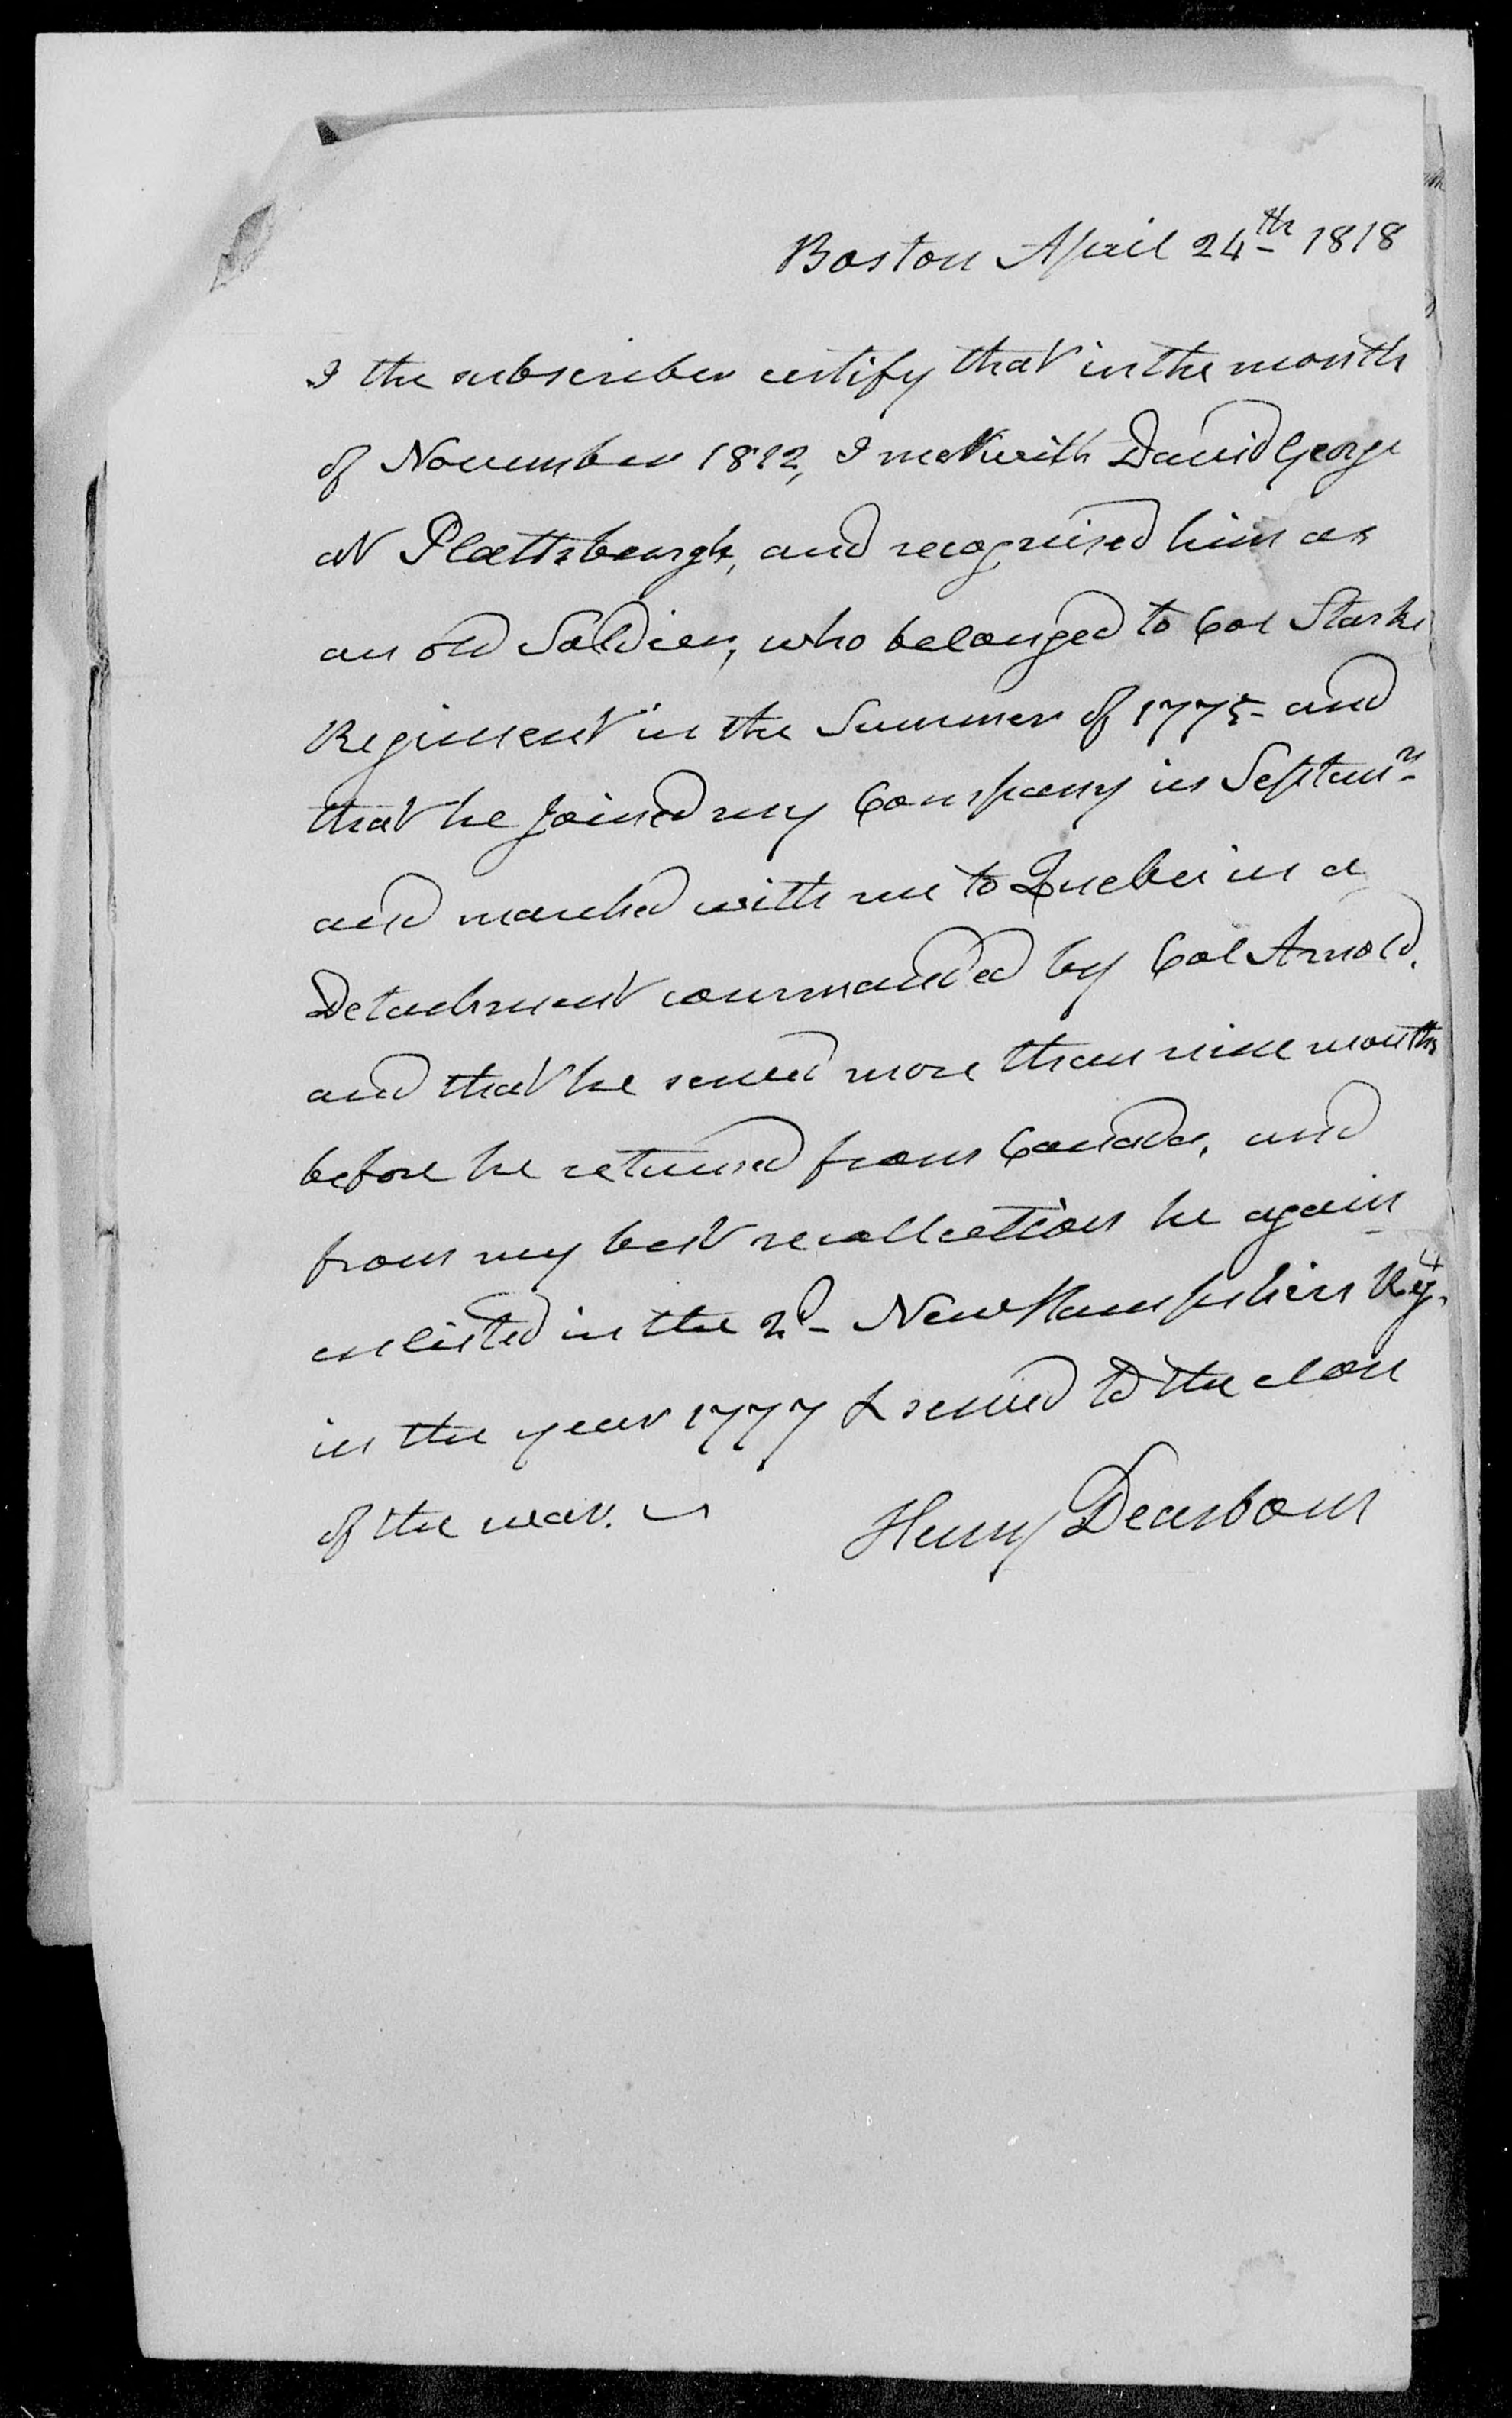Boston Alaid 24th 1818
I the subscribed certify that in the month
of November 1812, I met with David George
in Peattsbearg, and recognized him as
an old Soldier, who belonged to Col Starks
Regiment in the Summer of 1775 and that he joined my Company in Septem
and marched with me to Quebec in a 
Detachment comnanded by Col Arnold.
and that he served more than nine months
before he returned from Labrador and 
from my best recollection he again
enlisted in the 2nd New Hampshire R(e)g(iment) in the year 1777 + served to the close of the war

(signed) Henry Dearborn.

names: Henry Dearbour, David George, Arnold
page: 12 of 18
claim: survivor's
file: S. 39568, David George, N.H.